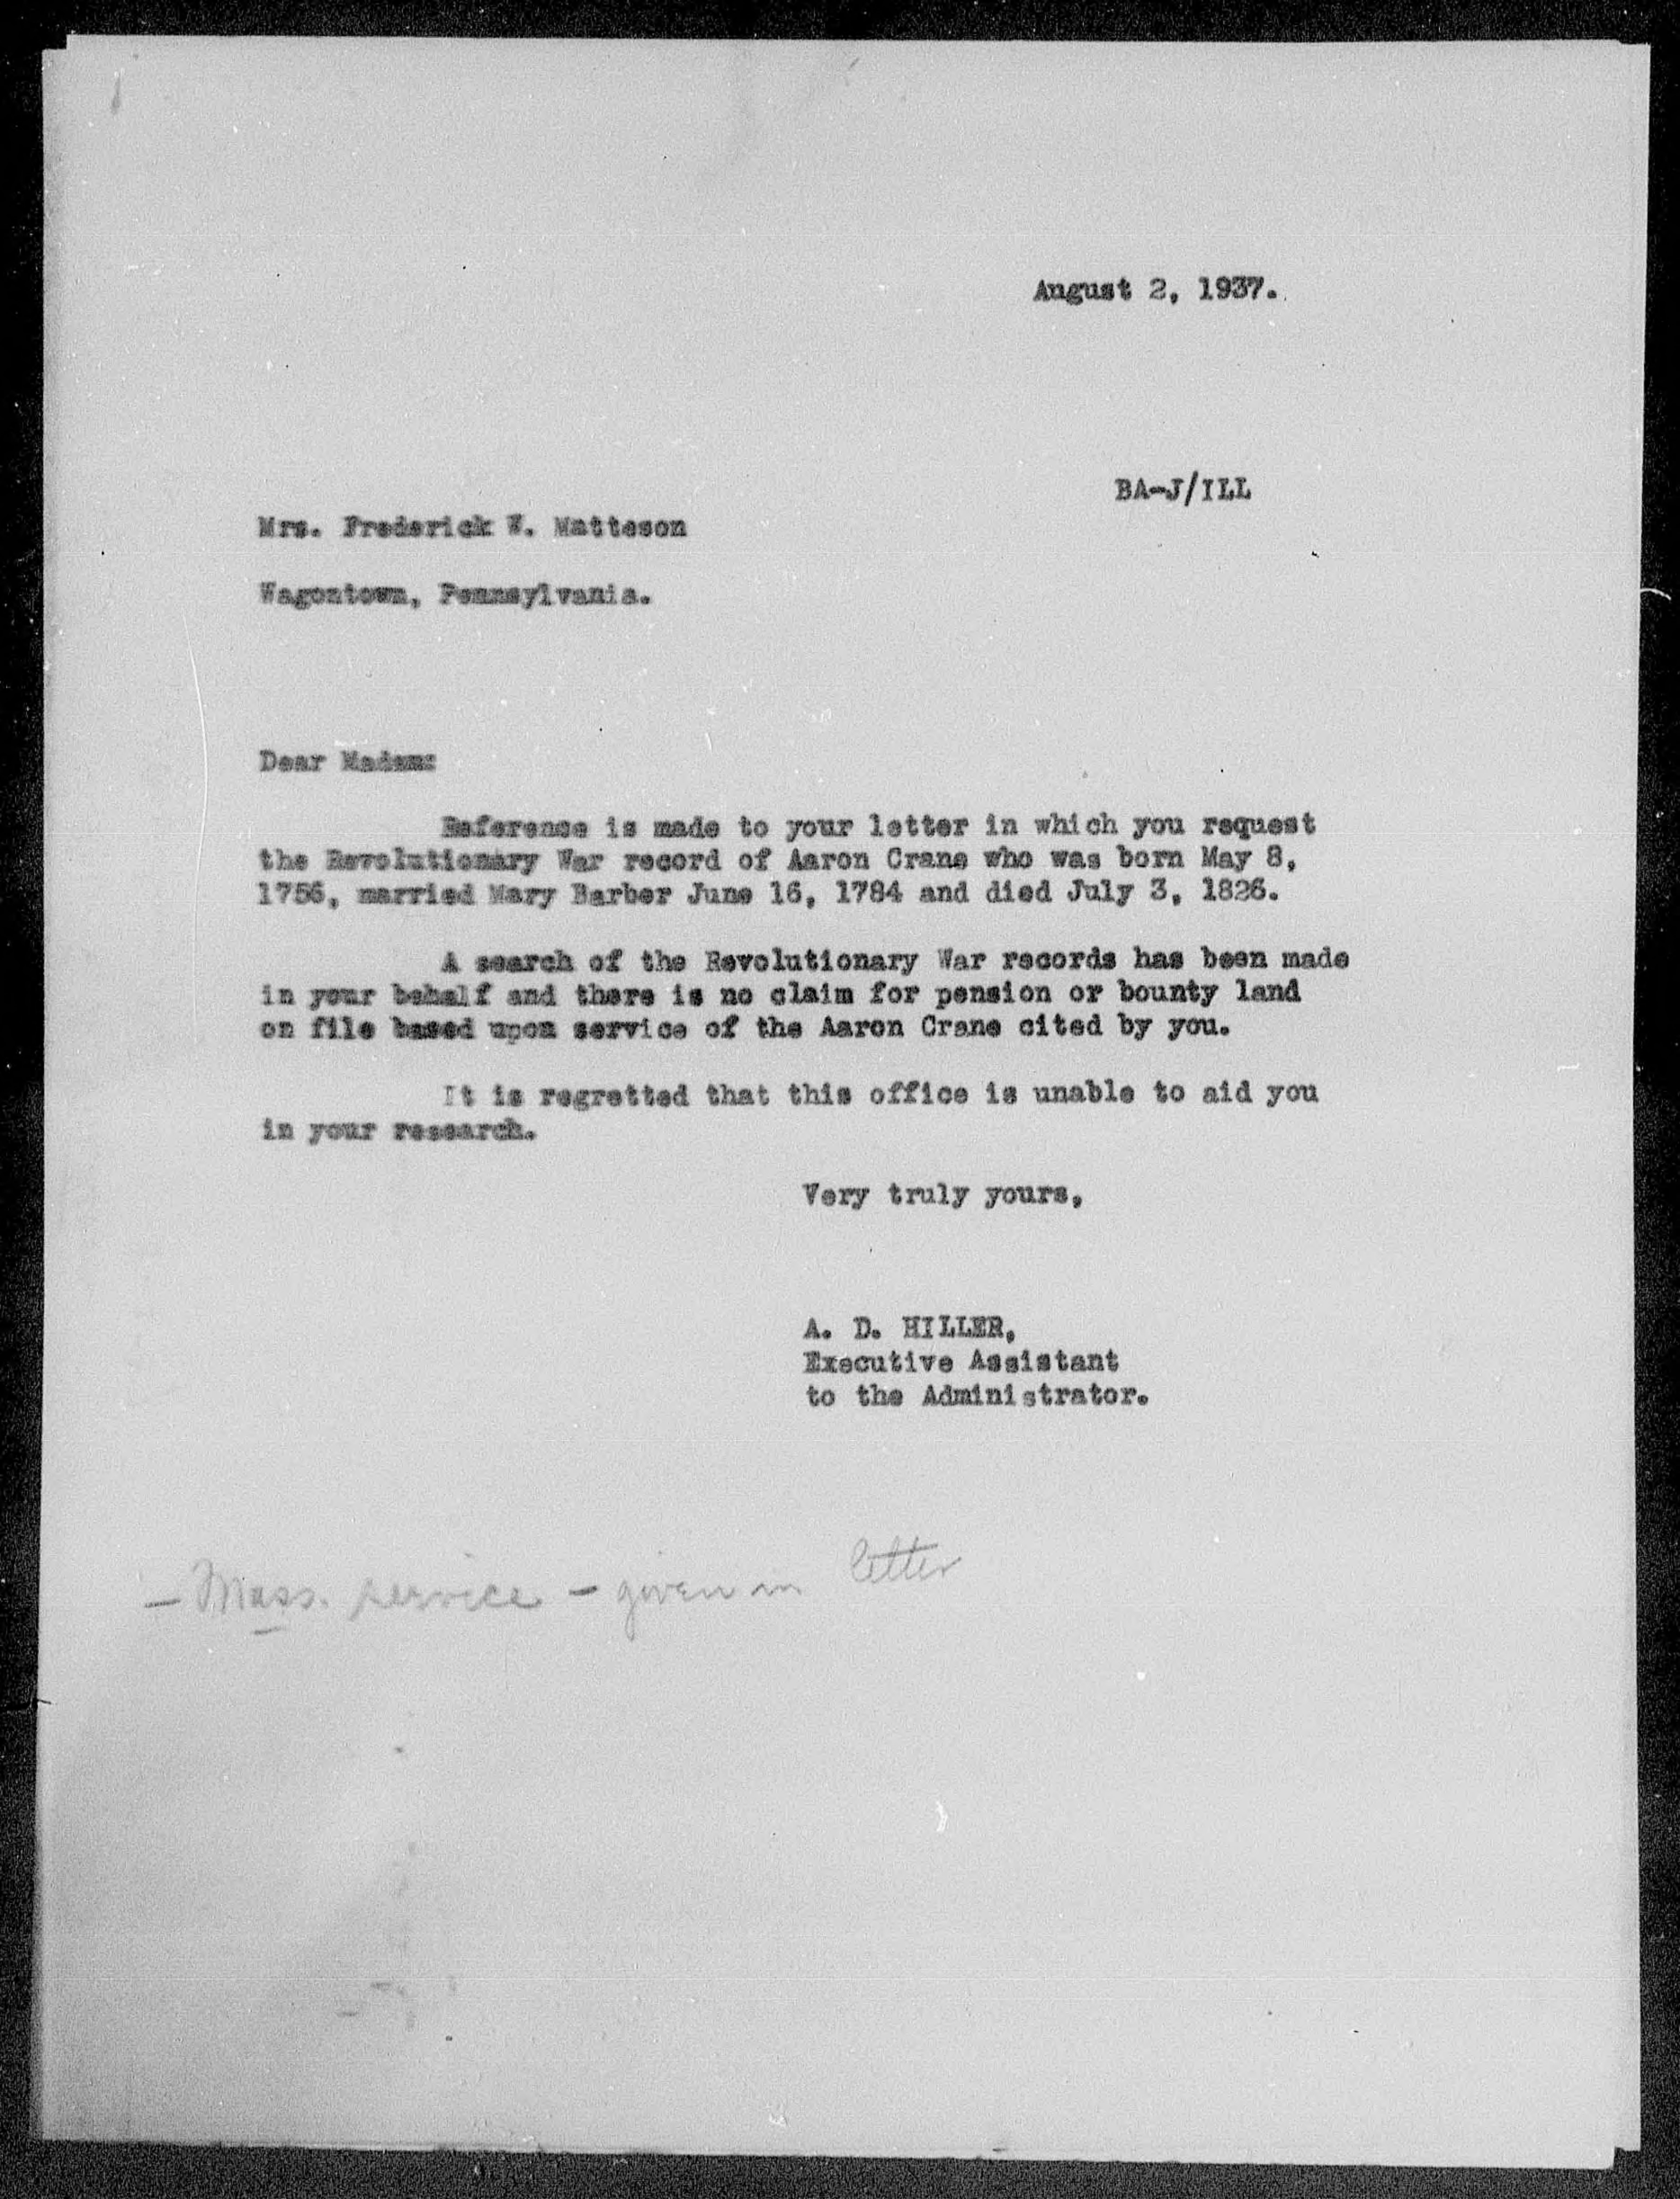August 2, 1937



Mrs. Frederick W. Matteson                                   BA - J/ILL

Wagontown, Pennsylvania



Dear Madam:

Reference is made to your letter in which you request
the Revolutionary War record of Aaron Crane who was born May 8,
1756, married Mary Barber June 16, 1784 and died July 3, 1826.

A search of the Revolutionary War records has been made
in your behalf and there is no claim for pension or bounty land
on filed based upon service of the Aaron Crane cited by you.

It is  regretted that this office is unabe to aid you
in your records.

                               Very truly yours,


                                A. D. HILLER,
                                Executive Assistant
                                to the adminiter


- Mass. Service - given in letter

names: A D Hiller, Frederick W Matteson, Mary Barber, Aaron Crane, Aaron Crane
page: 30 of 32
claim: rejected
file: R. 2441, Aaron Crane, New Jersey